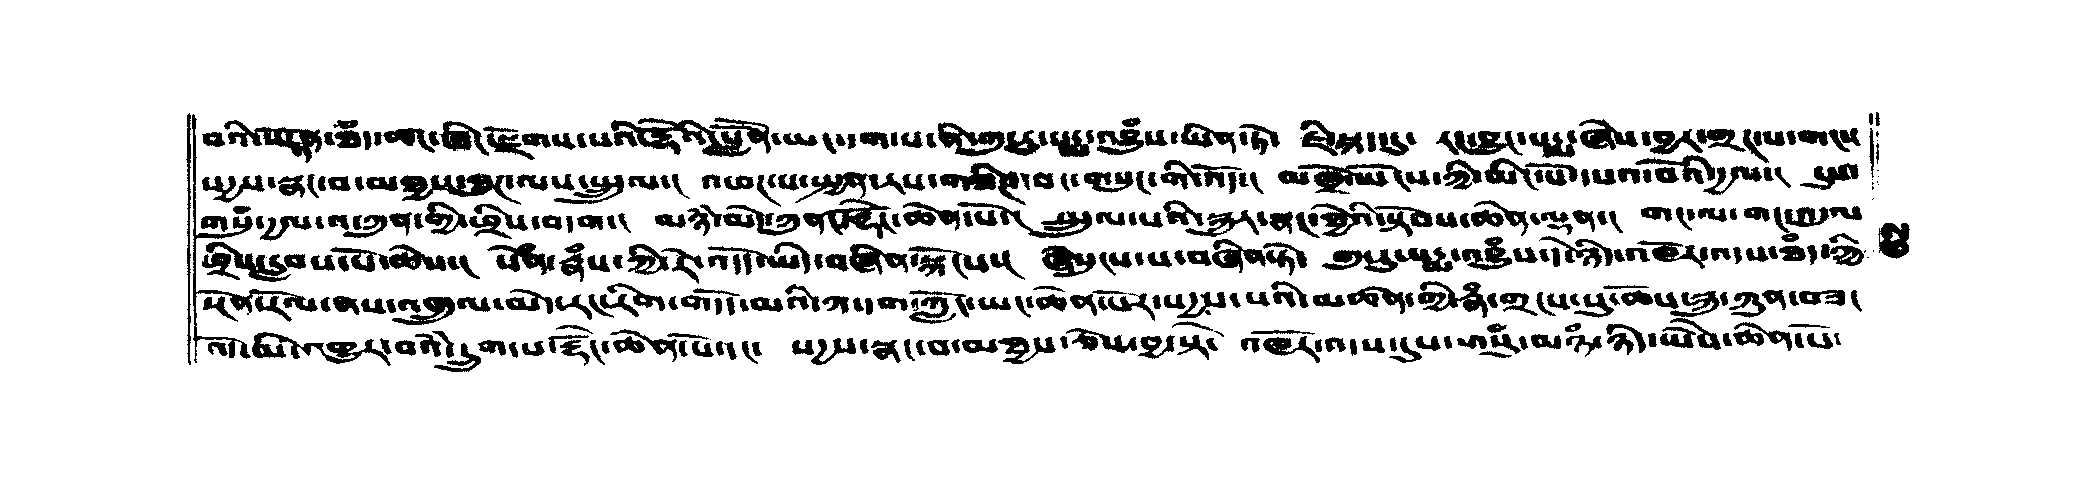བའི་ཡོན་ཏན་ཐམས་ཅད་ཚང་ཞིང་རྫོགས་པའི་རྡོ་རྗེའི་སློབ་དཔོན་ཡང་དག་པ་ནི་གུ་རུ་གུ་རུ་པདྨ་འབྱུང་གནས་ཡིན་ཏེ། ཇི་སྐད་དུ། རང་བྱུང་པདྨ་ཞེས་བྱར་གྲགས་པ་གང་། །
སངས་རྒྱས་སྣང་བ་མཐའ་ཡས་ཐུགས་ལས་སྤྲུལ། །འཕགས་པ་སྤྱན་རས་གཟིགས་དབང་གསུང་གི་འོད། །མཁའ་འགྲོ་ཡོངས་ཀྱི་མིང་པོ་དཔའ་བོའི་རྒྱལ། །དུས་
གསུམ་རྒྱལ་བ་ཀུན་གྱི་ཕྲིན་ལས་བདག་།མཉམ་མེད་ཀུན་བཟང་རྡོ་རྗེ་འཆང་ཆེན་པོ། །སྤྲུལ་པའི་སྐུར་སྣང་ཐུགས་རྗེའི་སྟོབས་ཆེན་ལྡན། །གང་ལ་གང་འདུལ་
ཕྲིན་ལས་རླབས་པོ་ཆེ། །སེམས་ཅན་རྣམས་ཀྱི་རེ་འདོད་ཡིད་བཞིན་སྐོངས། །ཞེས་གསུངས་པ་བཞིན་ཏེ།གུ་རུ་པདྨ་འབྱུང་གནས་དེ་ཉིད་འཁོར་འདས་ཐམས་ཅད་ཀྱི་
སྔོན་རོལ་ནས་འཁྲུལ་མེད་རང་རིག་གདོད་མའི་ཀ་དག་ཀློང་ཡང་ཆེན་པོར་སངས་རྒྱས་པའི་མཚན་གྱི་རྣམ་གྲངས་སུ་ཆོས་སྐུ་ཀུན་བཟང་
འོད་མི་འགྱུར་བའམ་དྲུག་པ་རྡོ་རྗེ་འཆང་ཆེན་པོ་དང་། སངས་རྒྱས་སྣང་བ་མཐའ་ཡས་ཅེས་བྱ་བ་སྟེ། འཁོར་འདས་དུས་གསུམ་མཉམ་ཉིད་ཡེ་ཤེས་ཆེན་པོ་